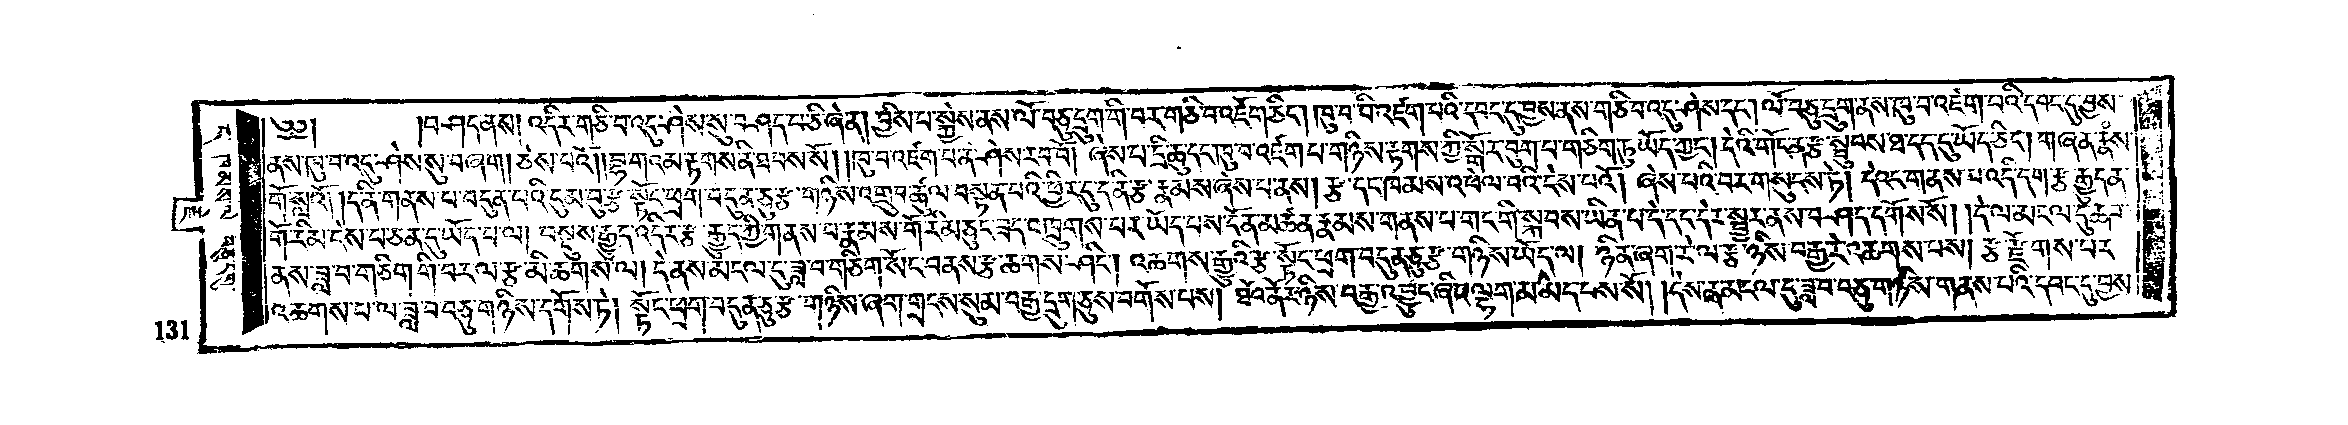༄༅། །བཤད་ནས། འདིར་གཅི་བ་འདུ་ཤེས་སུ་བཤད་པ་ཅི་ཞེ་ན། བྱིས་པ་སྐྱེས་ནས་ལོ་བཅུ་དྲུག་གི་བར་གཅི་བ་འཇོག་ཅིང་། ཁུ་བ་པི་འཛག་པའི་དབང་དུ་བྱས་ནས་གཅི་བ་འདུ་ཤེས་དང་། ལོ་བཅུ་དྲུག་ནས་ཁུ་བ་འཛག་པའི་དབང་དུ་བྱས་
ནས་ཁུ་བ་འདུ་ཤེས་སུ་བཞག །ཅེས་པའོ། །བྷ་གའམ་རྟགས་ནི་ཐབས་སོ། །ཁུ་བ་འཛག་པ་ན་ཤེས་རབ་བོ། ཞེས་པ་དྲི་ཆུ་དང་ཁུ་བ་འཛག་པ་གཉིས་རྟགས་ཀྱི་སྒོར་བུག་པ་གཅིག་ཏུ་ཡོད་ཀྱང་། དེའི་གོང་ན་རྩ་སྦུབས་ཐ་དད་དུ་ཡོད་ཅིང་། གཞན་རྣམས་
གོ་སླའོ། །ད་ནི་གནས་པ་བདུན་པའི་དུམ་བུ་རྩ་སྟོང་ཕྲག་བདུན་ཅུ་རྩ་གཉིས་འགྲུབ་ཚུལ་བསྟན་པའི་ཕྱིར་དུ་ད་ནི་རྩ་རྣམས་ཞེས་པ་ནས། རྩ་དང་ཁམས་འཕེལ་བའི་ངེས་པའོ། ཞེས་པའི་བར་གསུངས་ཏེ། དེའང་གནས་པ་འདི་དག་རྩ་རྒྱུད་ན་
གོ་རིམ་ངེས་པ་ཅན་དུ་ཡོད་པ་ལ། བསྡུས་རྒྱུད་འདིར་རྩ་རྒྱུད་ཀྱི་གནས་པ་རྣམས་གོ་རིམ་ཅུང་ཟད་འཁྲུགས་པར་ཡོད་པས་དོན་མཚན་རྣམས་གནས་པ་གང་གི་སྐབས་ཡིན་པ་དེ་དང་དེར་སྦྱར་ནས་བཤད་དགོས་སོ། །དེ་ལ་མངལ་དུ་ཆགས་
ནས་ཟླ་བ་གཅིག་གི་བར་ལ་རྩ་མི་ཆགས་ལ། དེ་ནས་མངལ་དུ་ཟླ་བ་གཅིག་སོང་བ་ནས་རྩ་ཆགས་ཤིང་། འཆགས་རྒྱུའི་རྩ་སྟོང་ཕྲག་བདུན་ཅུ་རྩ་གཉིས་ཡོད་ལ། ཉིན་ཞག་རེ་ལ་རྩ་ཉིས་བརྒྱ་རེ་འཆགས་པས། རྩ་རྫོགས་པར་
འཆགས་པ་ལ་ཟླ་བ་བཅུ་གཉིས་དགོས་ཏེ། སྟོང་ཕྲག་བདུན་ཅུ་རྩ་གཉིས་ཞག་གྲངས་སུམ་བརྒྱ་དྲུག་ཅུས་བགོས་པས། ཐོབ་ནོར་ཉིས་བརྒྱ་འབྱུང་ཞིང་ལྷག་མ་མེད་པས་སོ། །དེས་ན་མངལ་དུ་ཟླ་བ་བཅུ་གཉིས་གནས་པའི་དབང་དུ་བྱས་